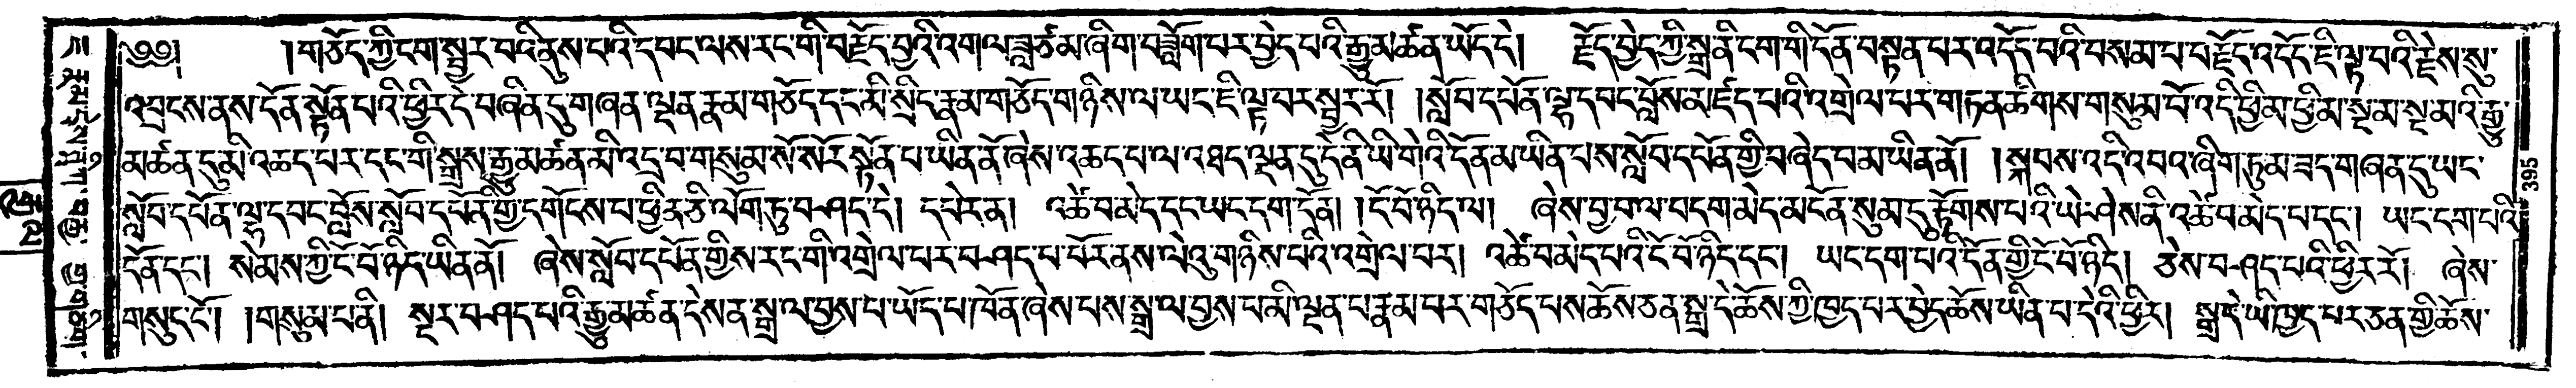༄༅། །གཅོད་ཀྱི་ངག་སྦྱར་བའི་ནུས་པའི་དབང་ལས་རང་གི་བརྗོད་བྱའི་འགལ་ཟླ་ཙམ་ཞིག་བཟློག་པར་བྱེད་པའི་རྒྱུ་མཚན་ཡོད་དེ། རྗོད་བྱེད་ཀྱི་སྒྲ་ནི་ངག་གི་དོན་བསྟན་པར་འདོད་པའི་བསམ་པ་བརྗོད་འདོད་ཇི་ལྟ་བའི་རྗེས་སུ་
འབྲངས་ནས་དོན་སྟོན་པའི་ཕྱིར་དེ་བཞིན་དུ་གཞན་ལྡན་རྣམ་གཅོད་དང་མི་སྲིད་རྣམ་གཅོད་གཉིས་ལ་ཡང་ཇི་ལྟ་བར་སྦྱར་རོ། །སློབ་དཔོན་ལྷ་དབང་བློས་མཛད་པའི་འགྲེལ་པར་གཏན་ཚིགས་གསུམ་པོ་འདི་ཕྱི་མ་ཕྱི་མ་སྔ་མ་སྔ་མའི་རྒྱུ་
མཚན་དུ་མི་འཆད་པར་དང་གི་སྒྲས་རྒྱུ་མཚན་མི་འདྲ་བ་གསུམ་སོ་སོར་སྟོན་པ་ཡིན་ནོ་ཞེས་འཆད་པ་ལ་འཐད་ལྡན་དུ་དེ་ནི་ཡི་གེའི་དོན་མ་ཡིན་པས་སློབ་དཔོན་གྱི་བཞེད་པ་མ་ཡིན་ནོ། །སྐབས་འདི་འབའ་ཞིག་ཏུ་མ་ཟད་གཞན་དུ་ཡང་
སློབ་དཔོན་ལྷ་དབང་བློས་སློབ་དཔོན་གྱི་དགོངས་པ་ཕྱིན་ཅི་ལོག་ཏུ་བཤད་དེ། དཔེར་ན། འཚེ་བ་མེད་དང་ཡང་དག་དོན། །ངོ་བོ་ཉིད་ལ། ཞེས་བྱ་བ་ལ་བདག་མེད་མངོན་སུམ་དུ་རྟོགས་པའི་ཡེ་ཤེས་ནི་འཚེ་བ་མེད་པ་དང་། ཡང་དག་པའི་
དོན་དང་། སེམས་ཀྱི་ངོ་བོ་ཉིད་ཡིན་ནོ། ཞེས་སློབ་དཔོན་གྱིས་རང་གི་འགྲེལ་པར་བཤད་པ་པོར་ནས་ལེའུ་གཉིས་པའི་འགྲེལ་པར། འཚེ་བ་མེད་པའི་ངོ་བོ་ཉིད་དང་། ཡང་དག་པའི་དོན་གྱི་ངོ་བོ་ཉིད། ཅེས་བཤད་པའི་ཕྱིར་རོ། ཞེས་
གསུང་ངོ། །གསུམ་པ་ནི། སྔར་བཤད་པའི་རྒྱུ་མཚན་དེས་ན་སྒྲ་ལ་བྱས་པ་ཡོད་པ་ཁོ་ན་ཞེས་པས་སྒྲ་ལ་བྱས་པ་མི་ལྡན་པ་རྣམ་པར་གཅོད་པས་ཆོས་ཅན་སྒྲ་དེ་ཆོས་ཀྱི་ཁྱད་པར་བྱེད་ཆོས་ཡིན་པ་དེའི་ཕྱིར། སྒྲ་དེ་ཡི་ཁྱད་པར་ཅན་གྱི་ཆོས་